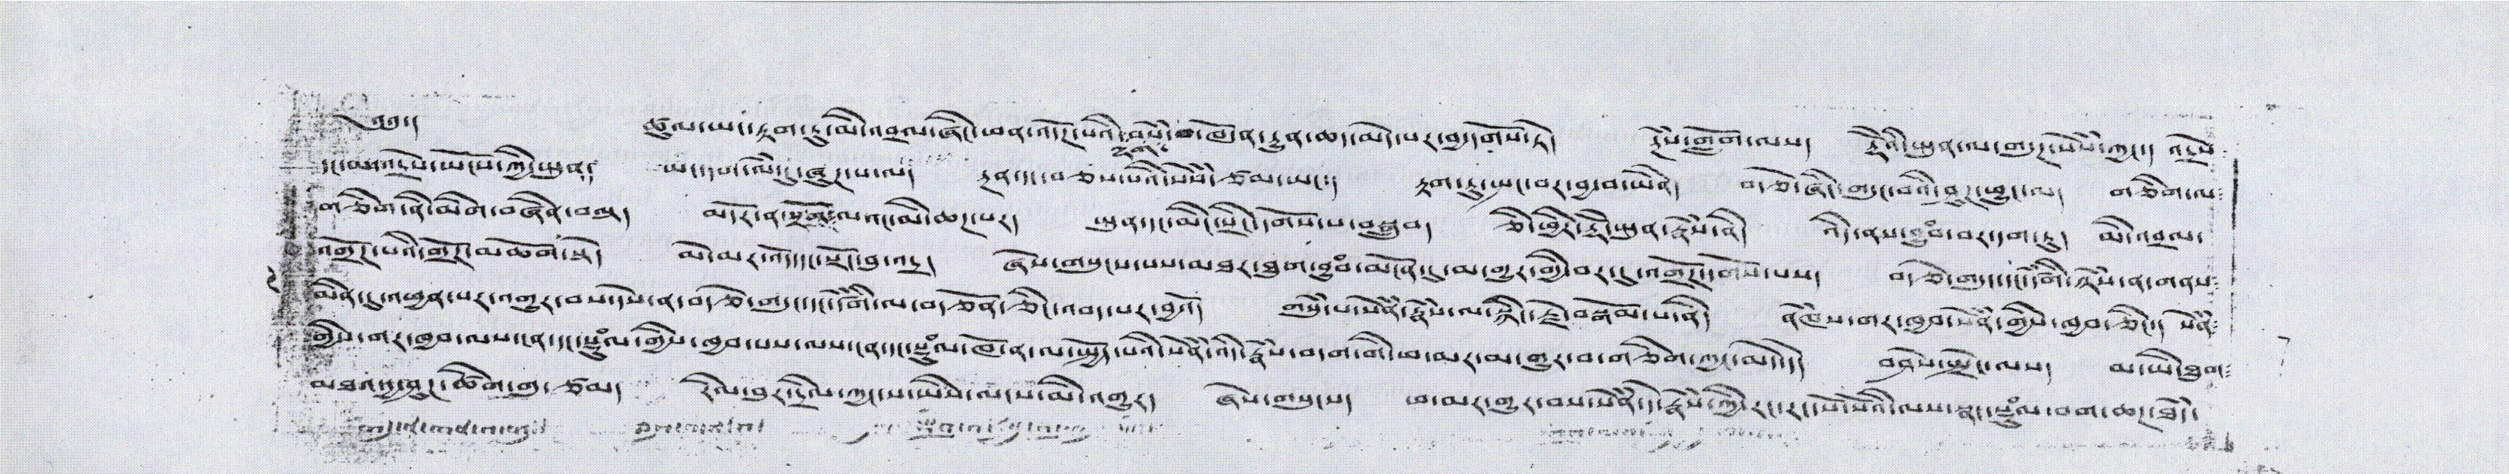ཚུལ་ཡང་རྟག་ཏུ་མི་འབྲལ་ཞིང་ཕན་འདོགས་པའི་ལྷག་བསམ་ཁོ་ན་རྒྱུན་ཆད་མེད་པར་བྱ་དགོས་ཏེ། རྔམ་གློག་ལས། རྡོ་རྗེའི་སྤུན་ལ་གདུག་སེམས་ཀྱང་། འདྲེས་
དང་མ་འདྲེས་ཡོངས་ཀྱི་སྤུན། །ཡང་དག་ལམ་དུ་ཞུགས་པ་ལ། །རྔན་དང་བཅས་པའི་སེམས་ཙམ་ཡང་། །རྟག་ཏུ་སྤང་བར་བྱ་བ་ཡིན། །བརྩེ་ཞིང་གདུང་བའི་ཤུགས་ཕྱུང་ལ། །གཅིག་ལ་
གཅིག་ནི་མིག་བཞིན་ལྟ། །མདོར་ན་སྲོག་ལའང་མི་ཆགས་པར། །སྤུན་དང་མིང་སྲིང་དགོས་པ་བསྒྲུབ། །ཅི་ཕྱིར་རྡོ་རྗེ་སྤུན་རྣམས་ནི། །འདི་ནས་བྱང་ཆུབ་བར་དག་ཏུ། །མི་འབྲལ་
འགྲོགས་པའི་གྲོགས་མཆོག་སྟེ། །མེ་མར་འོད་དང་སྡོང་བུ་འདྲ། །ཞེས་གསུངས་པས་མཐར་ཐུག་བྱང་ཆུབ་མངོན་དུ་མ་གྱུར་གྱི་བར་དུ་འགྲོགས་དགོས་པས། བརྩེ་དུང་དང་དམ་ཚིག་ཉམས་ན་གནས་
མིན་དུ་འཕྱན་པར་འགྱུར་བས་དེས་ན་བརྩེ་དུང་དང་དམ་ཚིག་ལ་བརྩོན་ཅིང་འབད་པར་བྱའོ། །གསུམ་པ་སེམས་ཅན་རྣམས་ལ་སྙིང་རྗེ་བསྒོམ་པ་ནི། ནམ་མཁས་གར་ཁྱབ་སེམས་ཅན་གྱིས་ཁྱབ་ཅིང་། སེམས་ཅན་
གྱིས་གར་ཁྱབ་ལས་ངན་དང་སྡུག་བསྔལ་གྱིས་ཁྱབ་པས་ལས་ངན་དང་སྡུག་བསྔལ་ཁོ་ན་ལ་སྤྱོད་པའི་སེམས་ཅན་འདི་རྣམས་བདག་གི་ཕ་མར་མ་གྱུར་པ་གཅིག་ཀྱང་མེད་དེ། བཤེས་སྤྲིངས་ལས། མ་ཡི་ཐུག་
མཐའ་རྒྱ་ཤུག་ཚིག་གུ་ཙམ། །རིལ་བུར་དྲིལ་ཀྱང་ས་ཡིས་ལངས་མི་འགྱུར། ཞེས་གསུངས། ཕ་མར་གྱུར་པའི་སེམས་ཅན་དེ་རྣམས་ཀྱི་རང་རང་སོ་སོའི་ལས་སྣང་སྡུག་བསྔལ་བག་ཆགས་ཐམས་ཅད་